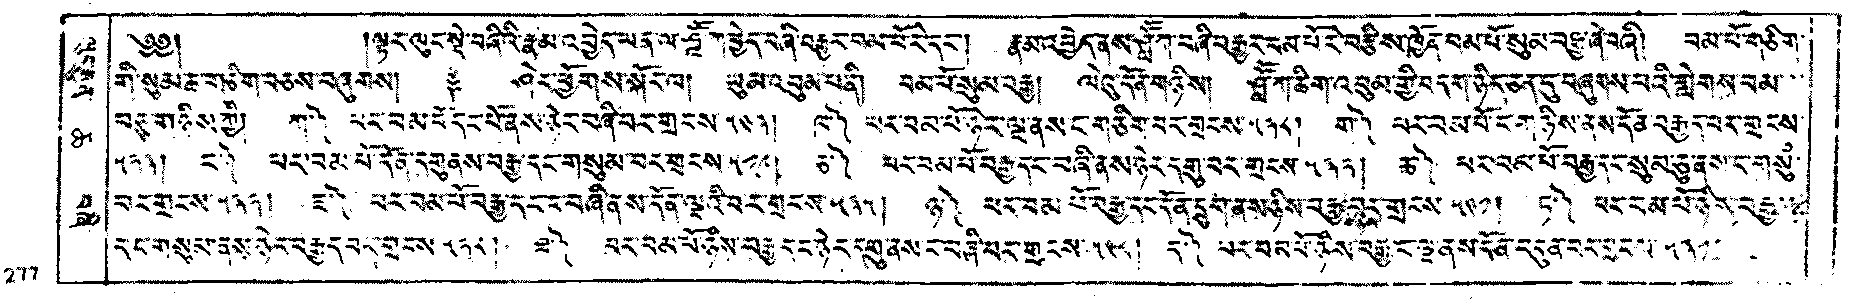༄༅། །ལྟར་ལུང་སྡེ་བཞིའི་རྣམ་འབྱེད་ཡན་ལ་ཤླཽ་ཀ་ཕྱེད་བཞི་བརྒྱར་བམ་པོ་རེ་དང་། རྣམ་འབྱེད་ནས་ཤླཽ་ཀ་བཞི་བརྒྱར་བམ་པོ་རེ་བརྩིས་ཁྱོན་བམ་པོ་སུམ་བརྒྱ་ཞེ་བཞི། བམ་པོ་གཅིག་
གི་སུམ་ཆ་གཅིག་བཅས་བཞུགས། ༈ ཤེར་ཕྱོགས་སྐོར་ལ། ཡུམ་འབུམ་པ་ནི། བམ་པོ་སུམ་བརྒྱ། ལེའུ་དོན་གཉིས། ཤླཽ་ཀ་ཆིག་འབུམ་གྱི་བདག་ཉིད་ཅན་དུ་བཞུགས་པའི་གླེགས་བམ་
བཅུ་གཉིས་ཀྱི། ཀ༼་པར་བམ་པོ་དང་པོ་ནས་ཉེར་བཞི་བར་གྲངས ༥༤༣། ཁ༽ པར་བམ་པོ་ཉེར་ལྔ་ནས་ང་གཅིག་བར་གྲངས ༥༢༨། ག་པར་བམ་པོ་ང་གཉིས་ནས་དོན་བརྒྱད་བར་གྲངས་
༥༢༣། ང༼་པར་བམ་པོ་དོན་དགུ་ནས་བརྒྱ་དང་གསུམ་བར་གྲངས ༥༡༩། ཅ༽ པར་བམ་པོ་བརྒྱ་དང་བཞི་ནས་ཉེར་དགུ་བར་གྲངས ༥༣༢། ཆ་པར་བམ་པོ་བརྒྱ་དང་སུམ་ཅུ་ནས་ང་གསུམ་
བར་གྲངས ༥༣༢། ཇ༼་པར་བམ་པོ་བརྒྱ་དང་ང་བཞི་ནས་དོན་ལྔའི་བར་གྲངས ༥༣༥། ཉ༽ པར་བམ་པོ་བརྒྱ་དང་དོན་དྲུག་ནས་ཉིས་བརྒྱ་གཉིས་བར་གྲངས ༥༤༡། ཏ་པར་བམ་པོ་ཉིས་བརྒྱ་
དང་གསུམ་ནས་ཉེར་བརྒྱད་བར་གྲངས ༥༢༨། ཐ༼་པར་བམ་པོ་ཉིས་བརྒྱ་དང་ཉེར་དགུ་ནས་ང་བཞི་བར་གྲངས ༥༤༨། ད༽ པར་བམ་པོ་ཉིས་བརྒྱ་ང་ལྔ་ནས་དོན་བདུན་པར་གྲངས ༥༣༡།